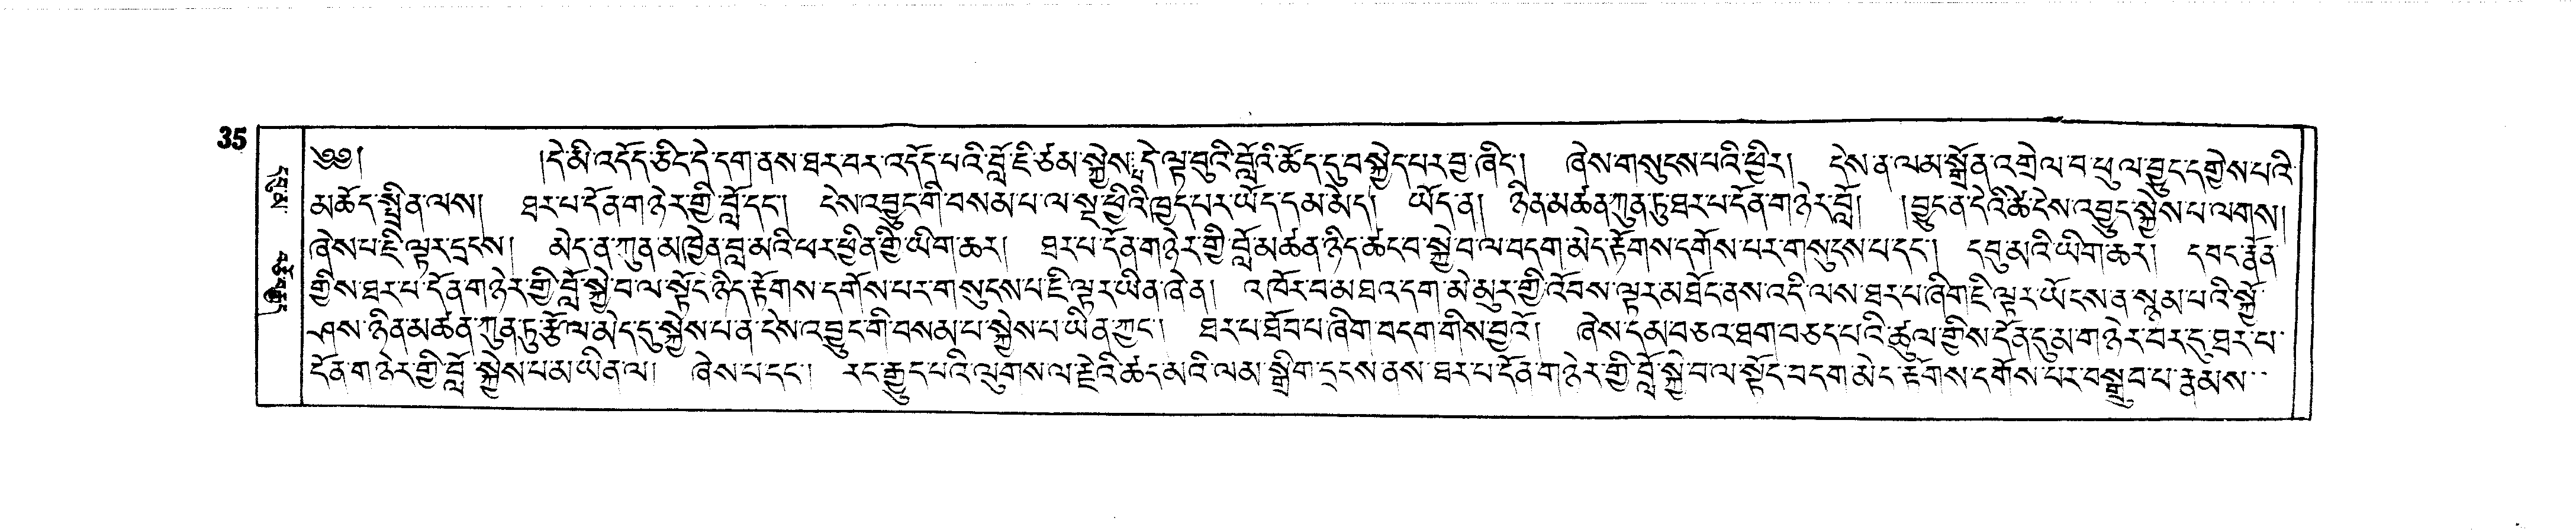༄༅། །དེ་མི་འདོད་ཅིང་དེ་དག་ནས་ཐར་བར་འདོད་པའི་བློ་ཇི་ཙམ་སྐྱེས་པ་དེ་ལྟ་བུའི་བློའི་ཚོད་དུ་བསྐྱེད་པར་བྱ་ཞིང་། ཞེས་གསུངས་པའི་ཕྱིར། དེས་ན་ལམ་སྒྲོན་འགྲེལ་བ་ཕུལ་བྱུང་དགྱེས་པའི་
མཆོད་སྤྲིན་ལས། ཐར་པ་དོན་གཉེར་གྱི་བློ་དང་། ངེས་འབྱུང་གི་བསམ་པ་ལ་སྔ་ཕྱིའི་ཁྱད་པར་ཡོད་དམ་མེད། ཡོད་ན། ཉིན་མཚན་ཀུན་ཏུ་ཐར་པ་དོན་གཉེར་བློ། །བྱུང་ན་དེའི་ཚེ་ངེས་འབྱུང་སྐྱེས་པ་ལགས།
ཞེས་པ་ཇི་ལྟར་དྲངས། མེད་ན་ཀུན་མཁྱེན་བླ་མའི་ཕར་ཕྱིན་གྱི་ཡིག་ཆར། ཐར་པ་དོན་གཉེར་གྱི་བློ་མཚན་ཉིད་ཚང་བ་སྐྱེ་བ་ལ་བདག་མེད་རྟོགས་དགོས་པར་གསུངས་པ་དང་། དབུ་མའི་ཡིག་ཆར། དབང་རྣོན་
གྱིས་ཐར་པ་དོན་གཉེར་གྱི་བློ་སྐྱེ་བ་ལ་སྟོང་ཉིད་རྟོགས་དགོས་པར་གསུངས་པ་ཇི་ལྟར་ཡིན་ཞེ་ན། འཁོར་བ་མཐའ་དག་མེ་མུར་གྱི་འོབས་ལྟར་མཐོང་ནས་འདི་ལས་ཐར་པ་ཞིག་ཇི་ལྟར་ཡོངས་ན་སྙམ་པའི་སྐྱོ་
ཤས་ཉིན་མཚན་ཀུན་ཏུ་རྩོལ་མེད་དུ་སྐྱེས་པ་ན་ངེས་འབྱུང་གི་བསམ་པ་སྐྱེས་པ་ཡིན་ཀྱང་། ཐར་པ་ཐོབ་པ་ཞིག་བདག་གིས་བྱའོ། ཞེས་དམ་བཅའ་ཐག་བཅད་པའི་ཚུལ་གྱིས་དོན་དུ་མ་གཉེར་བར་དུ་ཐར་པ་
དོན་གཉེར་གྱི་བློ་སྐྱེས་པ་མ་ཡིན་ལ། ཞེས་པ་དང་། རང་རྒྱུད་པའི་ལུགས་ལ་རྗེའི་ཚད་མའི་ལམ་སྒྲིག་དྲངས་ནས་ཐར་པ་དོན་གཉེར་གྱི་བློ་སྐྱེ་བ་ལ་སྟོང་བདག་མེད་རྟོགས་དགོས་པར་བསྒྲུབ་པ་རྣམས་